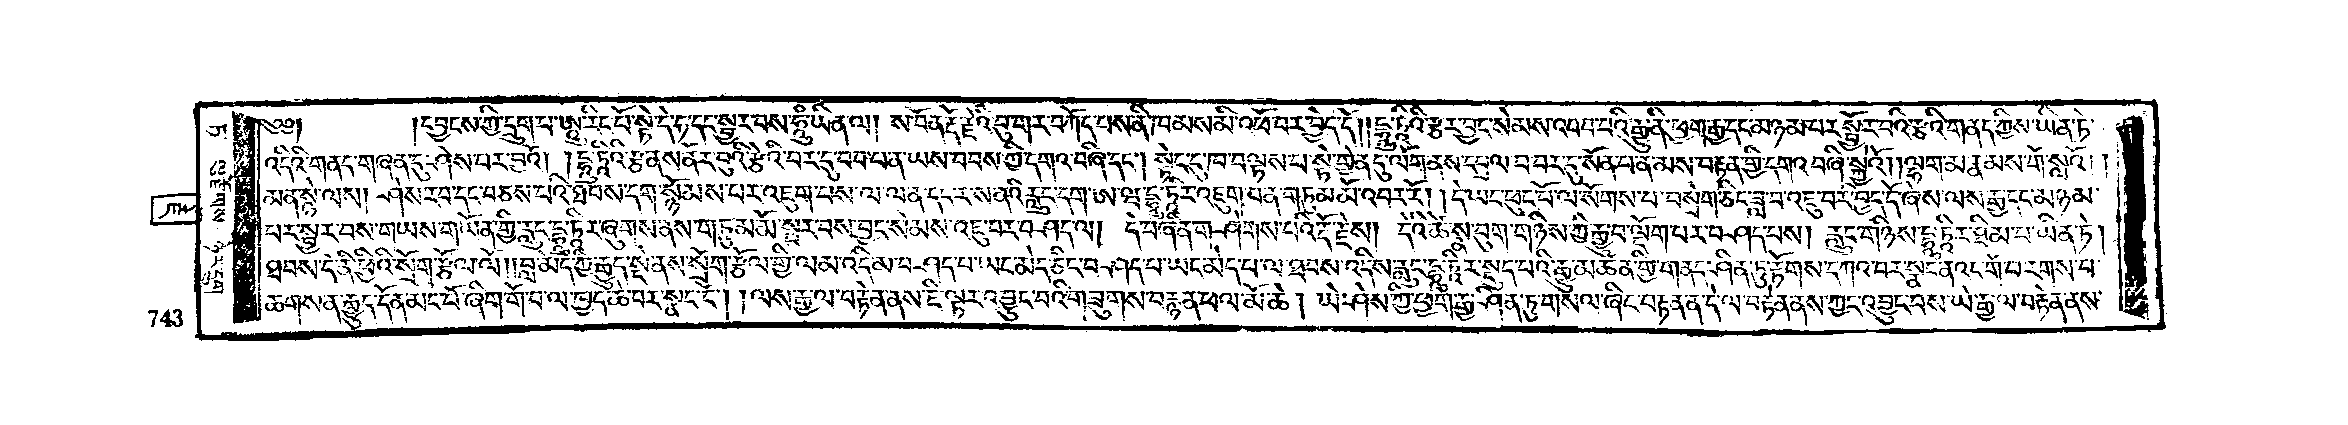༄༅། །དབྱངས་ཀྱི་དྲུག་པ་ཨཱུ་རིང་པོ་སྟེ་དེ་ཧ་དང་སྦྱར་བས་ཧཱུཾ་ཡིན་ལ། ས་བོན་རྡོ་རྗེའི་བུ་གར་བཀོད་པས་ནི་ཁམས་མི་འཕོ་བར་བྱེད་དོ། །དྷཱུ་ཏཱིའི་རྩར་བྱང་སེམས་འབབ་པའི་རྒྱུ་ནི་ཕྱག་རྒྱ་དང་མཉམ་པར་སྦྱོར་བའི་རྩའི་གནད་ཀྱིས་ཡིན་ཏེ་
འདིའི་གནད་གཞན་དུ་ཤེས་པར་བྱའོ། །དྷཱུ་ཏཱིའི་རྩ་ནས་ནོར་བུའི་རྩེའི་བར་དུ་བབ་པ་ན་ཡས་བབས་ཀྱི་དགའ་བཞི་དང་། སྟེང་དུ་ཁ་བལྟས་པ་སྟེ་གྱེན་དུ་ལོག་ནས་དཔྲལ་བ་བར་དུ་སོན་པ་ན་མས་བརྟན་གྱི་དགའ་བཞི་སྐྱེའོ། །ལྷག་མ་རྣམས་གོ་སླའོ། །
མན་སྙེ་ལས། ཤེས་རབ་དང་བཅས་པའི་ཐབས་དག་སྙོམས་པར་འཇུག་པས་ལ་ལ་ན་དང་ར་ས་ནའི་རླུང་དག་ཨ་ཝ་དྷཱུ་ཏཱིར་འཇུག་པ་ན་གཏུམ་མོ་འབར་རོ། །དེ་ཡང་ཕུང་པོ་ལ་སོགས་པ་བསྲེག་ཅིང་ཟླ་བ་འཇུག་བར་བྱེད་དོ་ཞེས་ལས་རྒྱ་དང་མཉམ་
པར་སྦྱར་བས་གཡས་གཡོན་གྱི་རླུང་དྷཱུ་ཏཱིར་ཞུགས་ནས་གཏུམ་མོ་སྦར་བས་བྱང་སེམས་འཇུ་བར་བཤད་ལ། དེ་བཞིན་གཤེགས་པའི་རྡོ་རྗེས། དེའི་ཚེ་སྣ་བུག་གཉིས་ཀྱི་རྒྱུ་བ་ལྡོག་པར་བཤད་པས། རླུང་གཉིས་དྷཱུ་ཏཱིར་ཐིམ་པ་ཡིན་ཏེ།
ཐབས་དེ་ནི་ཕྱིའི་སྲོག་རྩོལ་ལོ། །བླ་མེད་ཀྱི་རྒྱུད་སྡེ་ནས་སྲོག་རྩོལ་གྱི་ལམ་འདི་མ་བཤད་པ་ཡང་མེད་ཅིང་བཤད་པ་ཡང་མེད་པ་ལ་ཐབས་འདིས་རླུང་དྷཱུ་ཏཱིར་སྡུད་པའི་རྒྱུ་མཚན་གྱི་གནད་ཤིན་ཏུ་རྟོགས་དཀའ་བར་སྣང་ནའང་གོ་བ་རགས་པ་
ཆགས་ན་རྒྱུད་དོན་མང་པོ་ཞིག་གོ་བ་ལ་ཁྱད་ཆེ་བར་སྣང་ངོ། །ལས་རྒྱ་ལ་བརྟེན་ནས་ཇི་ལྟར་འབྱུང་བའི་གཟུགས་བརྙན་ཕལ་མོ་ཆེ། ཡེ་ཤེས་ཀྱི་ཕྱག་རྒྱ་ཤིན་ཏུ་གསལ་ཞིང་བརྟན་ན་དེ་ལ་བརྟེན་ནས་ཀྱང་འབྱུང་བས་ཡེ་རྒྱ་ལ་བརྟེན་ནས་